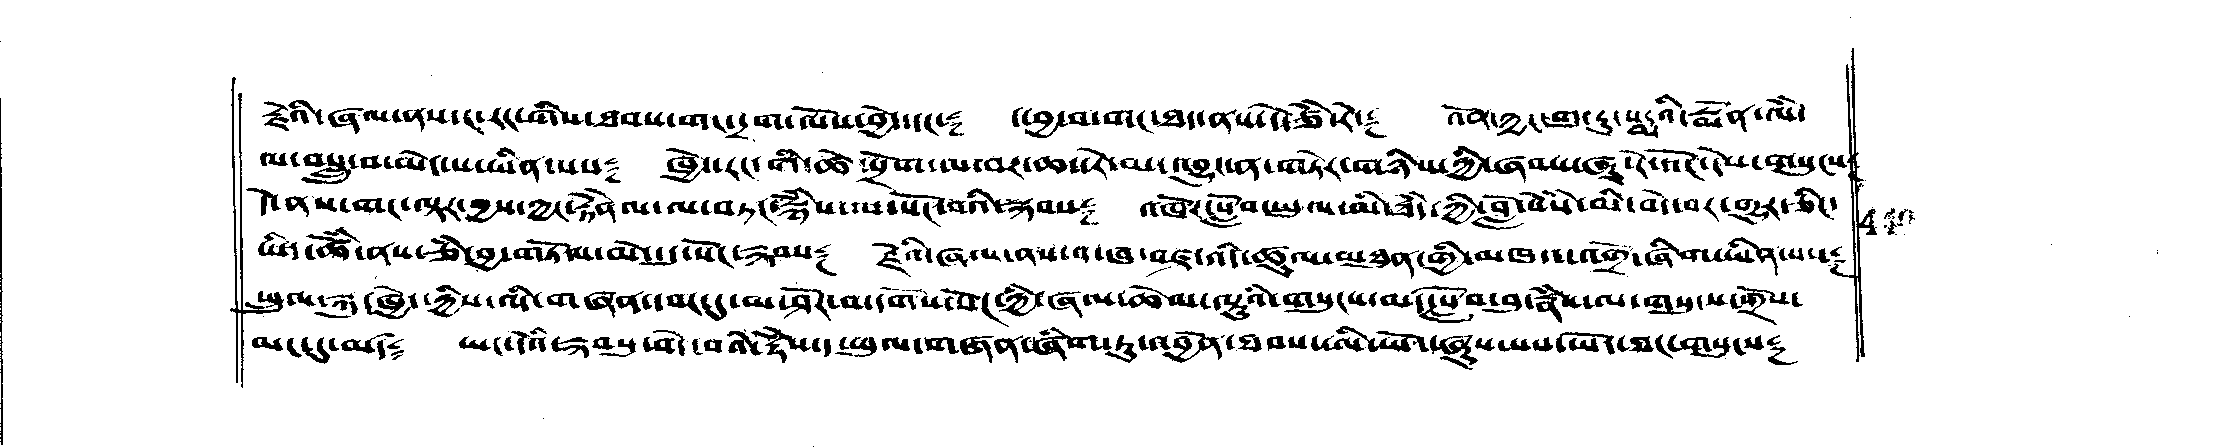རྗེའི་ཞལ་ནས་ང་རང་གིས་ཐབས་གང་དྲག་ལོས་བྱེད་དང་། ད་བྱ་བ་གང་ཐད་ནས་དེ་ཙམ་རེད། འོན་ཀྱང་གུ་རུ་པདྨའི་སྨོན་ལམ་
ལ་བསླུ་བ་མེད་པ་ཡིན་པས། ཁྱེ་རང་གི་ཚེ་སྲོག་ལ་བར་ཆད་རེ་མ་འབྱུང་ན་གཏེར་གཉིས་ཀྱི་ཞབས་ཞུ་རེ་འོང་ངེས་གསུངས། 
དེ་ནས་གང་ལྟར་བྱས་ཀྱང་རྟེན་འབྲེལ་ལ་བཏང་སྙོམས་ལ་སོང་བའི་སྐབས། འཁོར་སློབ་ཡུལ་མི་ཐམས་ཅད་ཀྱི་བློ་སེམས་མི་བདེ་བར་གྱུར་ཅིང་
ཡིད་ཚོམ་ནས་ཅི་བྱ་གཏོལ་མེད་དུ་སོང་སྐབས། རྗེའི་ཞལ་ནས་སུ་ཁ་བཛྲ་འདི་ཚུལ་མཐུན་གྱི་མཁའ་འགྲོ་ཞིག་ཡིན་པ་། 
སྤྲུལ་སྐུ་ཁྱེད་ཀྱིས་འདི་གཞན་དབང་དུ་མ་ཤོར་བ་དགོས་སོགས་ཀྱི་ཞལ་ཆེམས་ལྟ་བུའི་གསུངས་མཛད། སློབ་བུ་རྣམས་ལ་གསུང་གྲོས་
མང་དུ་མཛད། ཡང་དེའི་སྐབས་སུ་བདེ་བའི་རྡོ་རྗེས་ད་ཡུལ་གཞན་ཞིག་ཏུ་འབྱོན་ཐབས་ཨི་ཡོད་ཞུས་པས་ཡོད་ཐང་གསུངས།